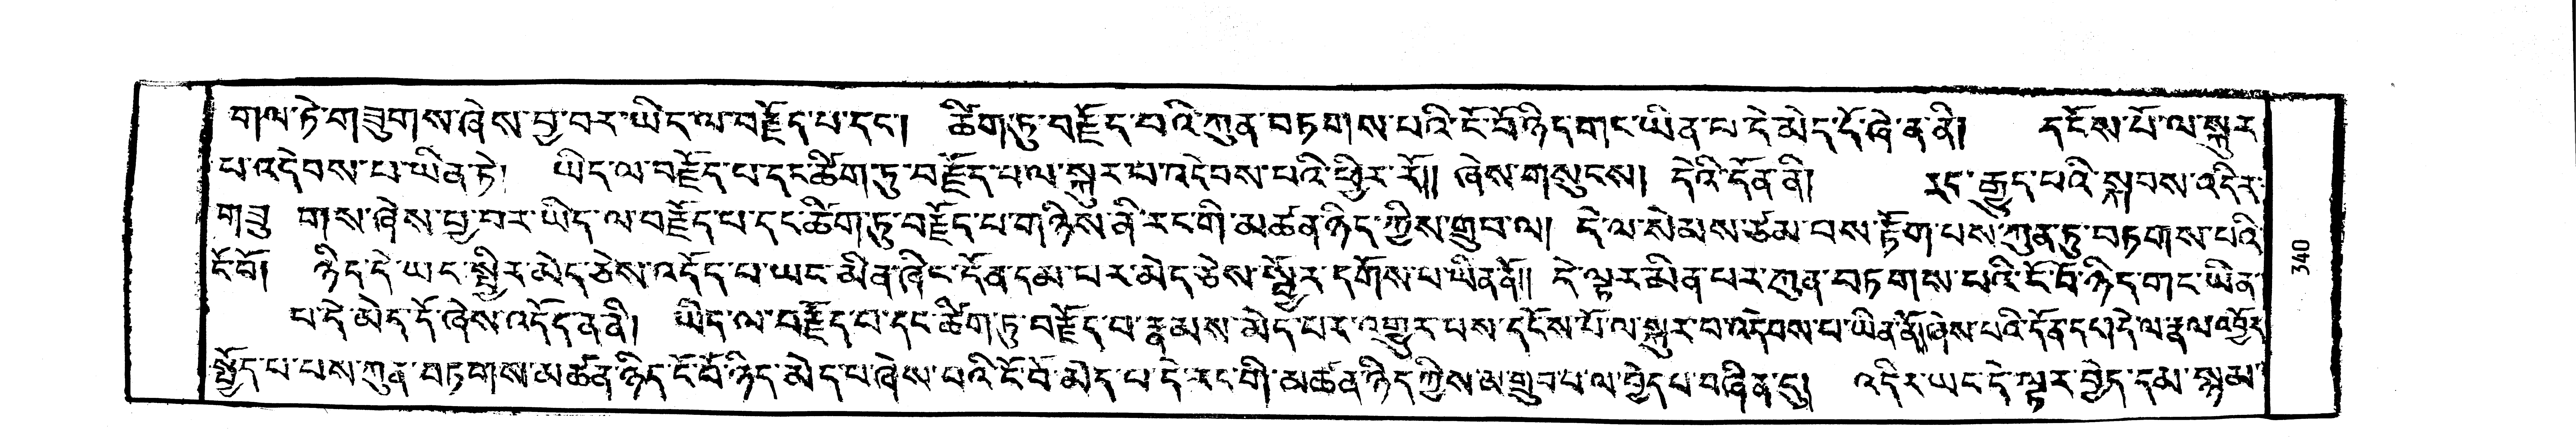གལ་ཏེ་གཟུགས་ཞེས་བྱ་བར་ཡིད་ལ་བརྗོད་པ་དང་། ཚིག་ཏུ་བརྗོད་པའི་ཀུན་བཏགས་པའི་ངོ་བོ་ཉིད་གང་ཡིན་པ་དེ་མེད་དོ་ཞེ་ན་ནི། དངོས་པོ་ལ་སྐུར་
པ་འདེབས་པ་ཡིན་ཏེ། ཡིད་ལ་བརྗོད་པ་དང་ཚིག་ཏུ་བརྗོད་པ་ལ་སྐུར་པ་འདེབས་པའི་ཕྱིར་རོ། ཞེས་གསུངས། དེའི་དོན་ནི། རང་རྒྱུད་པའི་སྐབས་འདིར་
གཟུགས་ཞེས་བྱ་བར་ཡིད་ལ་བརྗོད་པ་དང་ཚིག་ཏུ་བརྗོད་པ་གཉིས་ནི་རང་གི་མཚན་ཉིད་ཀྱིས་གྲུབ་ལ། དེ་ལ་སེམས་ཙམ་བས་རྟོག་པས་ཀུན་ཏུ་བཏགས་པའི་
ངོ་བོ། ཉིད་དེ་ཡང་སྤྱིར་མེད་ཅེས་འདོད་པ་ཡང་མིན་ཞིང་དོན་དམ་པར་མེད་ཅེས་སྦྱོར་དགོས་པ་ཡིན་ནོ། །དེ་ལྟར་མིན་པར་ཀུན་བཏགས་པའི་ངོ་བོ་ཉིད་གང་ཡིན་
པ་དེ་མེད་དོ་ཞེས་འདོད་ན་ནི། ཡིད་ལ་བརྗོད་བ་དང་ཚིག་ཏུ་བརྗོད་པ་རྣམས་མེད་པར་འགྱུར་པས་དངོས་པོ་ལ་སྐུར་བ་འདེབས་པ་ཡིན་ནོ། ཞེས་པའི་དོན་དང་། དེ་ལ་རྣལ་འབྱོར་
སྤྱོད་པ་པས་ཀུན་བཏགས་མཚན་ཉིད་ངོ་བོ་ཉིད་མེད་པ་ཞེས་པའི་ངོ་བོ་མེད་པ་དེ་རང་གི་མཚན་ཉིད་ཀྱིས་མ་གྲུབ་པ་ལ་བྱེད་པ་བཞིན་དུ། འདིར་ཡང་དེ་ལྟར་བྱེད་དམ་སྙམ་